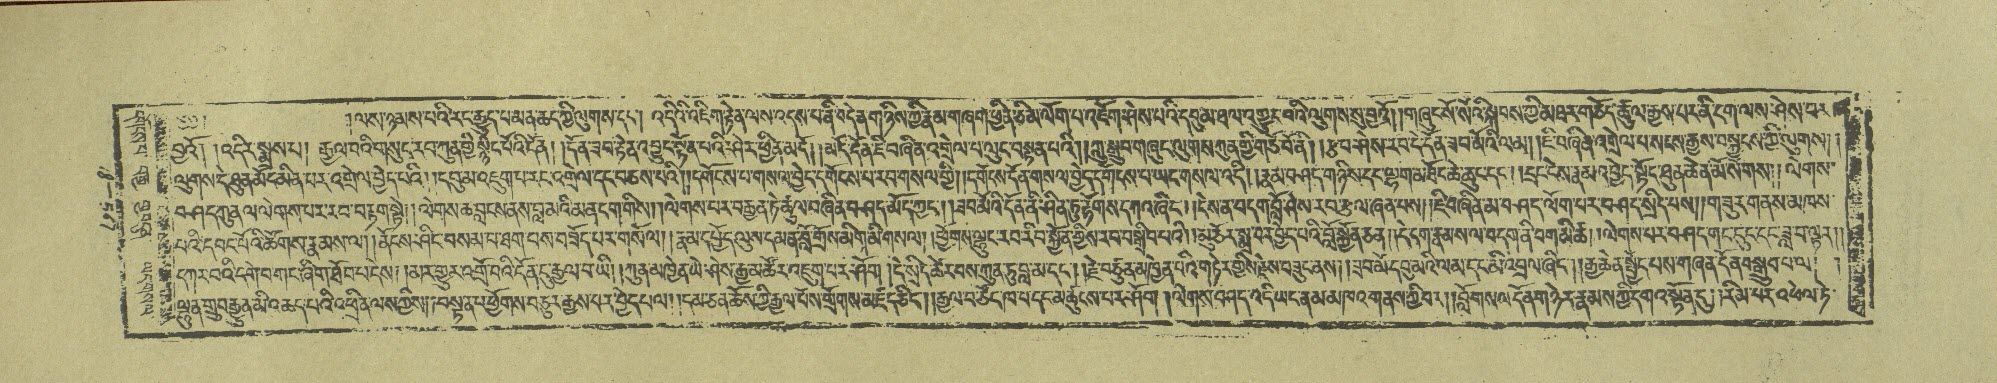༄༅། །ལས་ཉམས་པའི་རང་རྒྱུད་པ་མན་ཆད་ཀྱི་ལུགས་དང་། འདིའི་འཇིག་རྟེན་ལས་འདས་པ་ནི་བདེན་གཉིས་ཀྱི་རྣམ་གཞག་ཕྱིན་ཅི་མ་ལོག་པ་འཇོག་ཤེས་པའི་དབུ་མ་ཐལ་འགྱུར་བའི་ལུགས་སུ་བྱའོ། །གཞུང་སོ་སོའི་སྐབས་ཀྱི་མཐར་གཅོད་ཚུལ་རྒྱས་པར་ནི་ངག་ལས་ཤེས་པར་
བྱའོ། །འདིར་སྨྲས་པ། རྒྱལ་བའི་གསུང་རབ་ཀུན་གྱི་སྙིང་པོའི་དོན། །དོན་ཟབ་རྟེན་འབྱུང་སྟོན་པའི་ཤེར་ཕྱིན་མདོ། །མདོ་དོན་ཇི་བཞིན་འགྲེལ་པ་ལུང་བསྟན་པའི། །ཀླུ་སྒྲུབ་གཞུང་ལུགས་ཀུན་གྱི་གཙོ་བོ་ནི། །རྩ་བ་ཤེས་རབ་དེ་དོན་ཟབ་མོའི་ལམ། །ཇི་བཞིན་འགྲེལ་པ་སངས་རྒྱས་བསྐྱངས་ཀྱི་ལུགས།
ལུགས་དེ་ཐུན་མོང་མིན་པར་འགྲེལ་བྱེད་པའི། །དབུ་མ་འཇུག་པ་རང་འགྲེལ་དང་བཅས་པའི། །དགོངས་པ་གསལ་བྱེད་དགོངས་པ་རབ་གསལ་གྱི། །དགོངས་དོན་གསལ་བྱེད་དགོངས་པ་ཡང་གསལ་འདི། །རྣམ་བཤད་གཉིས་དང་ལྷག་མཐོང་ཆེ་ཆུང་དང་། །དྲང་ངེས་རྣམ་འབྱེད་སྟོང་ཐུན་ཆེན་མོ་སོགས། །ལེགས་
བཤད་ཀུན་ལ་ལེགས་པར་རབ་བརྟག་སྟེ། །ལེགས་ཆ་བླངས་ནས་བླ་མའི་མན་ངག་གིས། །ལེགས་པར་བརྒྱན་ཏེ་ཚུལ་བཞིན་བཤད་མོད་ཀྱང་། །ཟབ་མོའི་དོན་ནི་ཤིན་ཏུ་རྟོགས་དཀའ་ཞིང་། །དེས་ན་བདག་བློ་ཤེས་རབ་རྩལ་ཞན་པས། །ཇི་བཞིན་མ་བཤད་ལོག་པར་བཤད་སྲིད་པས། །ག་བུར་གནས་མཁས་
པའི་དབང་པོའི་ཚོགས་རྣམས་ལ། །ནོངས་ཤིང་བསམ་པ་ཐག་པས་བཟོད་པར་གསོལ། །རྣམ་དཔྱོད་ལུས་དམན་བློ་གྲོས་མིག་མི་གསལ། །ཕྱོགས་ལྷུང་རབ་རིབ་སྐྱོན་གྱིས་རབ་བསྒྲིབ་པའི། །མུ་ཅོར་སྨྲ་བར་བྱེད་པའི་བློ་སྐྱོན་ཅན། །དེ་དག་རྣམས་ལ་བདག་ནི་བག་མི་ཚ། །ལེགས་པར་བཤད་གང་དུང་དང་ཟླ་བ་ལྟར། །
དཀར་བའི་དགེ་བ་གང་ཞིག་ཐོབ་པ་དེས། །མར་གྱུར་འགྲོ་བའི་དོན་དུ་རྒྱལ་བ་ཡི། །ཀུན་མཁྱེན་ཡེ་ཤེས་རྒྱ་མཚོར་འཇུག་པར་ཤོག །དེ་སྲིད་ཚེ་རབས་ཀུན་ཏུ་བླ་མ་དང་། །རྗེ་བཙུན་མཁྱེན་པའི་གཏེར་གྱིས་རྗེས་བཟུང་ནས། །ཟབ་མོ་དབུ་མའི་ལམ་དང་མི་འབྲལ་ཞིང་། །རྒྱ་ཆེན་སྤྱོད་པས་གཞན་དོན་བསྒྲུབ་པ་ལ།
ལྷུན་གྲུབ་རྒྱུན་མི་འཆད་པའི་འཕྲིན་ལས་ཀྱིས། །བསྟན་པ་ཕྱོགས་བཅུར་རྒྱས་པར་བྱེད་པ་ལ། །དམ་ཅན་ཆོས་ཀྱི་རྒྱལ་པོས་གྲོགས་མཛད་ཅིང་། །རྒྱལ་བ་རྩོང་ཁ་པ་དང་མཚུངས་པར་ཤོག །ལེགས་བཤད་འདི་ཡང་ནམ་མཁའ་གནས་ཀྱི་བར། །བློ་གསལ་དོན་གཉེར་རྣམས་ཀྱི་དགའ་སྟོན་དུ། །རིམ་པར་འཕེལ་ཏེ་